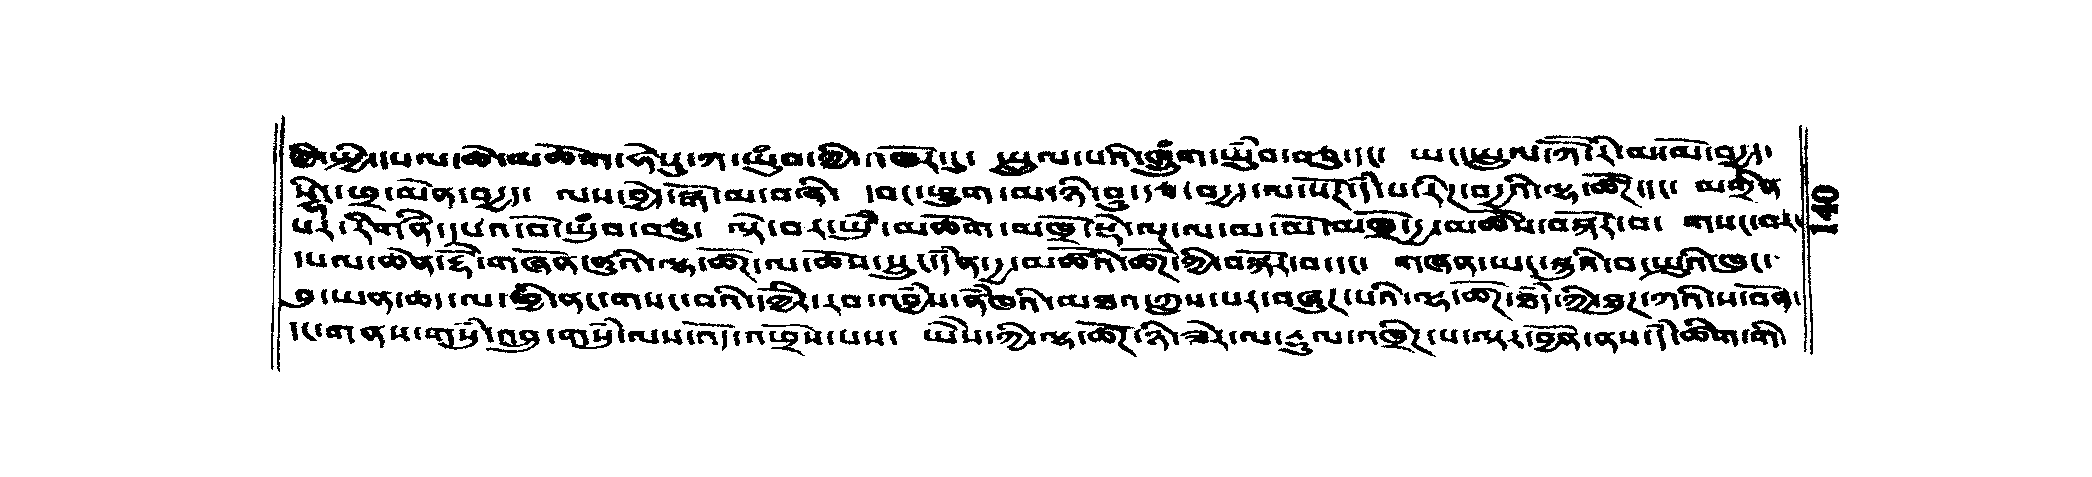ཀྱི་སྤྱི་དཔལ་ཆེ་མཆོག་ཧེ་རུ་ཀ་ཡབ་ཡུམ་གྱི་འཁོར་དུ། སྤྲུལ་པའི་ཁྲག་འཐུང་ཡབ་ཡུམ་བཅུ་དང་། ཡང་སྤྲུལ་ཀཽ་རི་མ་མོ་བརྒྱད། 
སིངྷ་ཕྲ་མེན་བརྒྱད། ལས་བྱེད་སྒོ་མ་བཞི། དབང་ཕྱུག་མ་ཉི་ཤུ་རྩ་བརྒྱད་ལ་སོགས་དམ་པ་རིགས་བརྒྱའི་ལྷ་ཚོགས་དང་། མགྲིན་
པར་རིག་འཛིན་དཔའ་བོ་ཡབ་ཡུམ་བཅུ། ལྟེ་བར་ཡུམ་མཆོག་མཁའ་འགྲོ་སྡེ་ལྔ་ལ་མ་མོ་མཁའ་འགྲོ་རྒྱ་མཚོས་བསྐོར་བ། གསང་བར་
དཔལ་ཆེན་རྡོ་རྗེ་གཞོན་ནུའི་ལྷ་ཚོགས་ལ་ཆོས་སྲུང་དམ་ཅན་རྒྱ་མཚོའི་ཚོགས་ཀྱི་བསྐོར་བ་དང་། གཞན་ཡང་སྐུའི་བ་སྤུའི་ཁུང་
བུ་ཡན་ཆད་ལ་ཕྱི་ནང་གསང་བའི་དཀྱིལ་འཁོར་རབ་འབྱམས་ནམ་མཁའི་མཐའ་ཀླས་པར་བཞུགས་པའི་ལྷ་ཚོགས་ཐམས་ཅད་ཀྱི་ཐུགས་ཀའི་ས་བོན་
དང་གནས་གསུམ་འབྲུ་གསུམ་ལས་འོད་འཕྲོས་པས། ཡེ་ཤེས་ཀྱི་ལྷ་ཚོགས་ཉི་ཟེར་ལ་རྡུལ་འཁྲིགས་པ་ལྟར་བྱོན་ནས་དམ་ཚིག་གི་